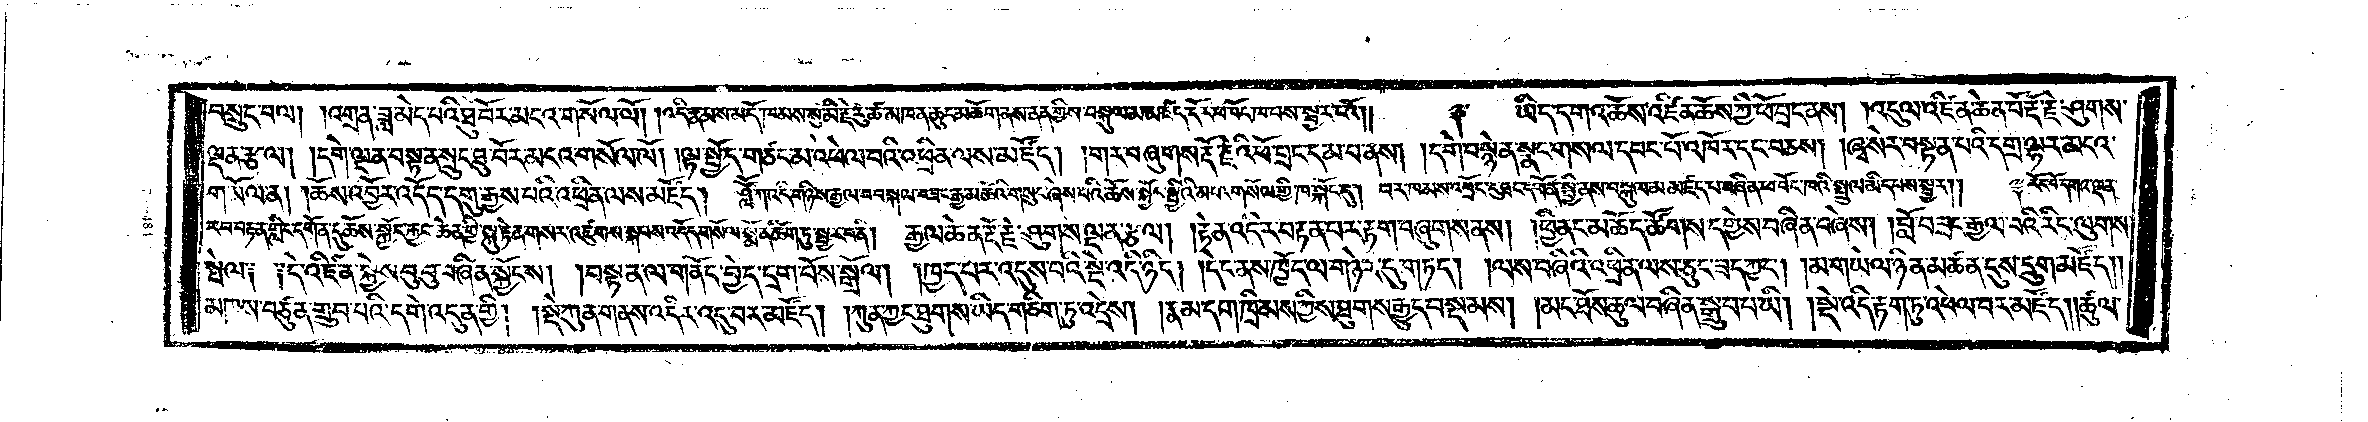བསྲུང་བ་ལ། །འགྲན་ཟླ་མེད་བའི་ཐུ་བོར་མངའ་གསོལ་ལོ། །འདི་རྣམས་མདོ་ཁམས་སུ་མི་རྗེ་རུ་ཚ་མཁན་ཆུང་མཆོག་ནས་ནན་གྱིས་བསྐུལ་མ་མཛད་ངོར་ཕ་བོང་ཁ་པས་སྦྱར་བའོ།།  ༈ ཡིད་དགའ་ཆོས་འཛིན་ཆོས་ཀྱི་ཕོ་བྲང་ནས། །འདུལ་འཛིན་ཆེན་པོ་རྡོ་རྗེ་ཤུགས་
ལྡན་རྩལ། །དགེ་ལྡན་བསྟན་སྲུང་ཐུ་བོར་མངའ་གསོལ་ལོ། །ལྟ་སྤྱོད་གཙང་མ་འཕེལ་བའི་འཕྲིན་ལས་མཛོད། །གར་བཞུགས་རྡོ་རྗེའི་ཕོ་བྲང་དམ་པ་ནས། །དགེ་བསྙེན་སྣང་གསལ་དབང་པོ་འཁོར་དང་བཅས། །ཞྭ་སེར་བསྟན་པའི་དགྲ་ལྷར་མངའ་
གསོལ་ན། །ཆོས་འབྱོར་འདོད་དགུ་རྒྱས་པའི་འཕྲིན་ལས་མཛོད། ཤླཽ་ཀ་འདི་གཉིས་རྒྱལ་བ་བསྐལ་བཟང་རྒྱ་མཚོའི་གསུང་ཞེས་པའི་ཆོས་སྐྱོང་སྤྱིའི་མངའ་གསོལ་གྱི་ཁ་སྐོང་དུ། བར་ཁམས་འབྲོང་དུ་ཐང་དགོན་སྤྱི་ནས་བསྐུལ་མ་མཛད་པ་བཞིན་ཕ་བོང་ཁའི་སྤྲུལ་མིང་བས་སྦྱར།། ༈ རིང་པོ་དགའ་ལྡན་
རབ་བརྟན་གླིང་དགོན་དུ་ཆོས་སྐྱོང་རྒྱལ་ཆེན་གྱི་སྐུ་རྟེན་གསར་འཛུགས་སྐབས་འདོད་གསོལ་སྨོན་ཚིག་ཏུ་སྦྱར་བ་ནི། རྒྱལ་ཆེན་རྡོ་རྗེ་ཤུགས་ལྡན་རྩལ། །རྟེན་འདིར་བརྟན་པར་རྟག་བཞུགས་ནས། །ཕྱི་ནང་མཆོད་ཚོགས་དགྱེས་བཞིན་བཞེས། །བློ་བཟང་རྒྱལ་བའི་རིང་ལུགས་
སྦེལ༑ ༑དེ་འཛིན་སྐྱེས་བུ་བུ་བཞིན་སྐྱོངས། །བསྟན་ལ་གནོད་བྱེད་དྲག་པོས་སྒྲོལ། །ཁྱད་པར་འདུས་བའི་སྡེ་འདི་ཉིད། །དེང་ནས་ཁྱོད་ལ་གཉེར་དུ་གཏད། །ལས་བཞིའི་འཕྲིན་ལས་ཅུང་ཟད་ཀྱང་། །མ་གཡེལ་ཉིན་མཚན་དུས་དྲུག་མཛོད། །
མཁས་བཙུན་གྲུབ་པའི་དགེ་འདུན་གྱི། །སྡེ་ཀུན་གནས་འདིར་འདུ་བར་མཛོད། །ཀུན་ཀྱང་ཐུགས་ཡིད་གཅིག་ཏུ་འདྲེས། །རྣམ་དག་ཁྲིམས་ཀྱིས་ཐུགས་རྒྱུད་བསྡམས། །མང་ཐོས་ཚུལ་བཞིན་སྒྲུབ་པ་ཡི། །སྡེ་འདི་རྟག་ཏུ་འཕེལ་བར་མཛོད། །ཚུལ་